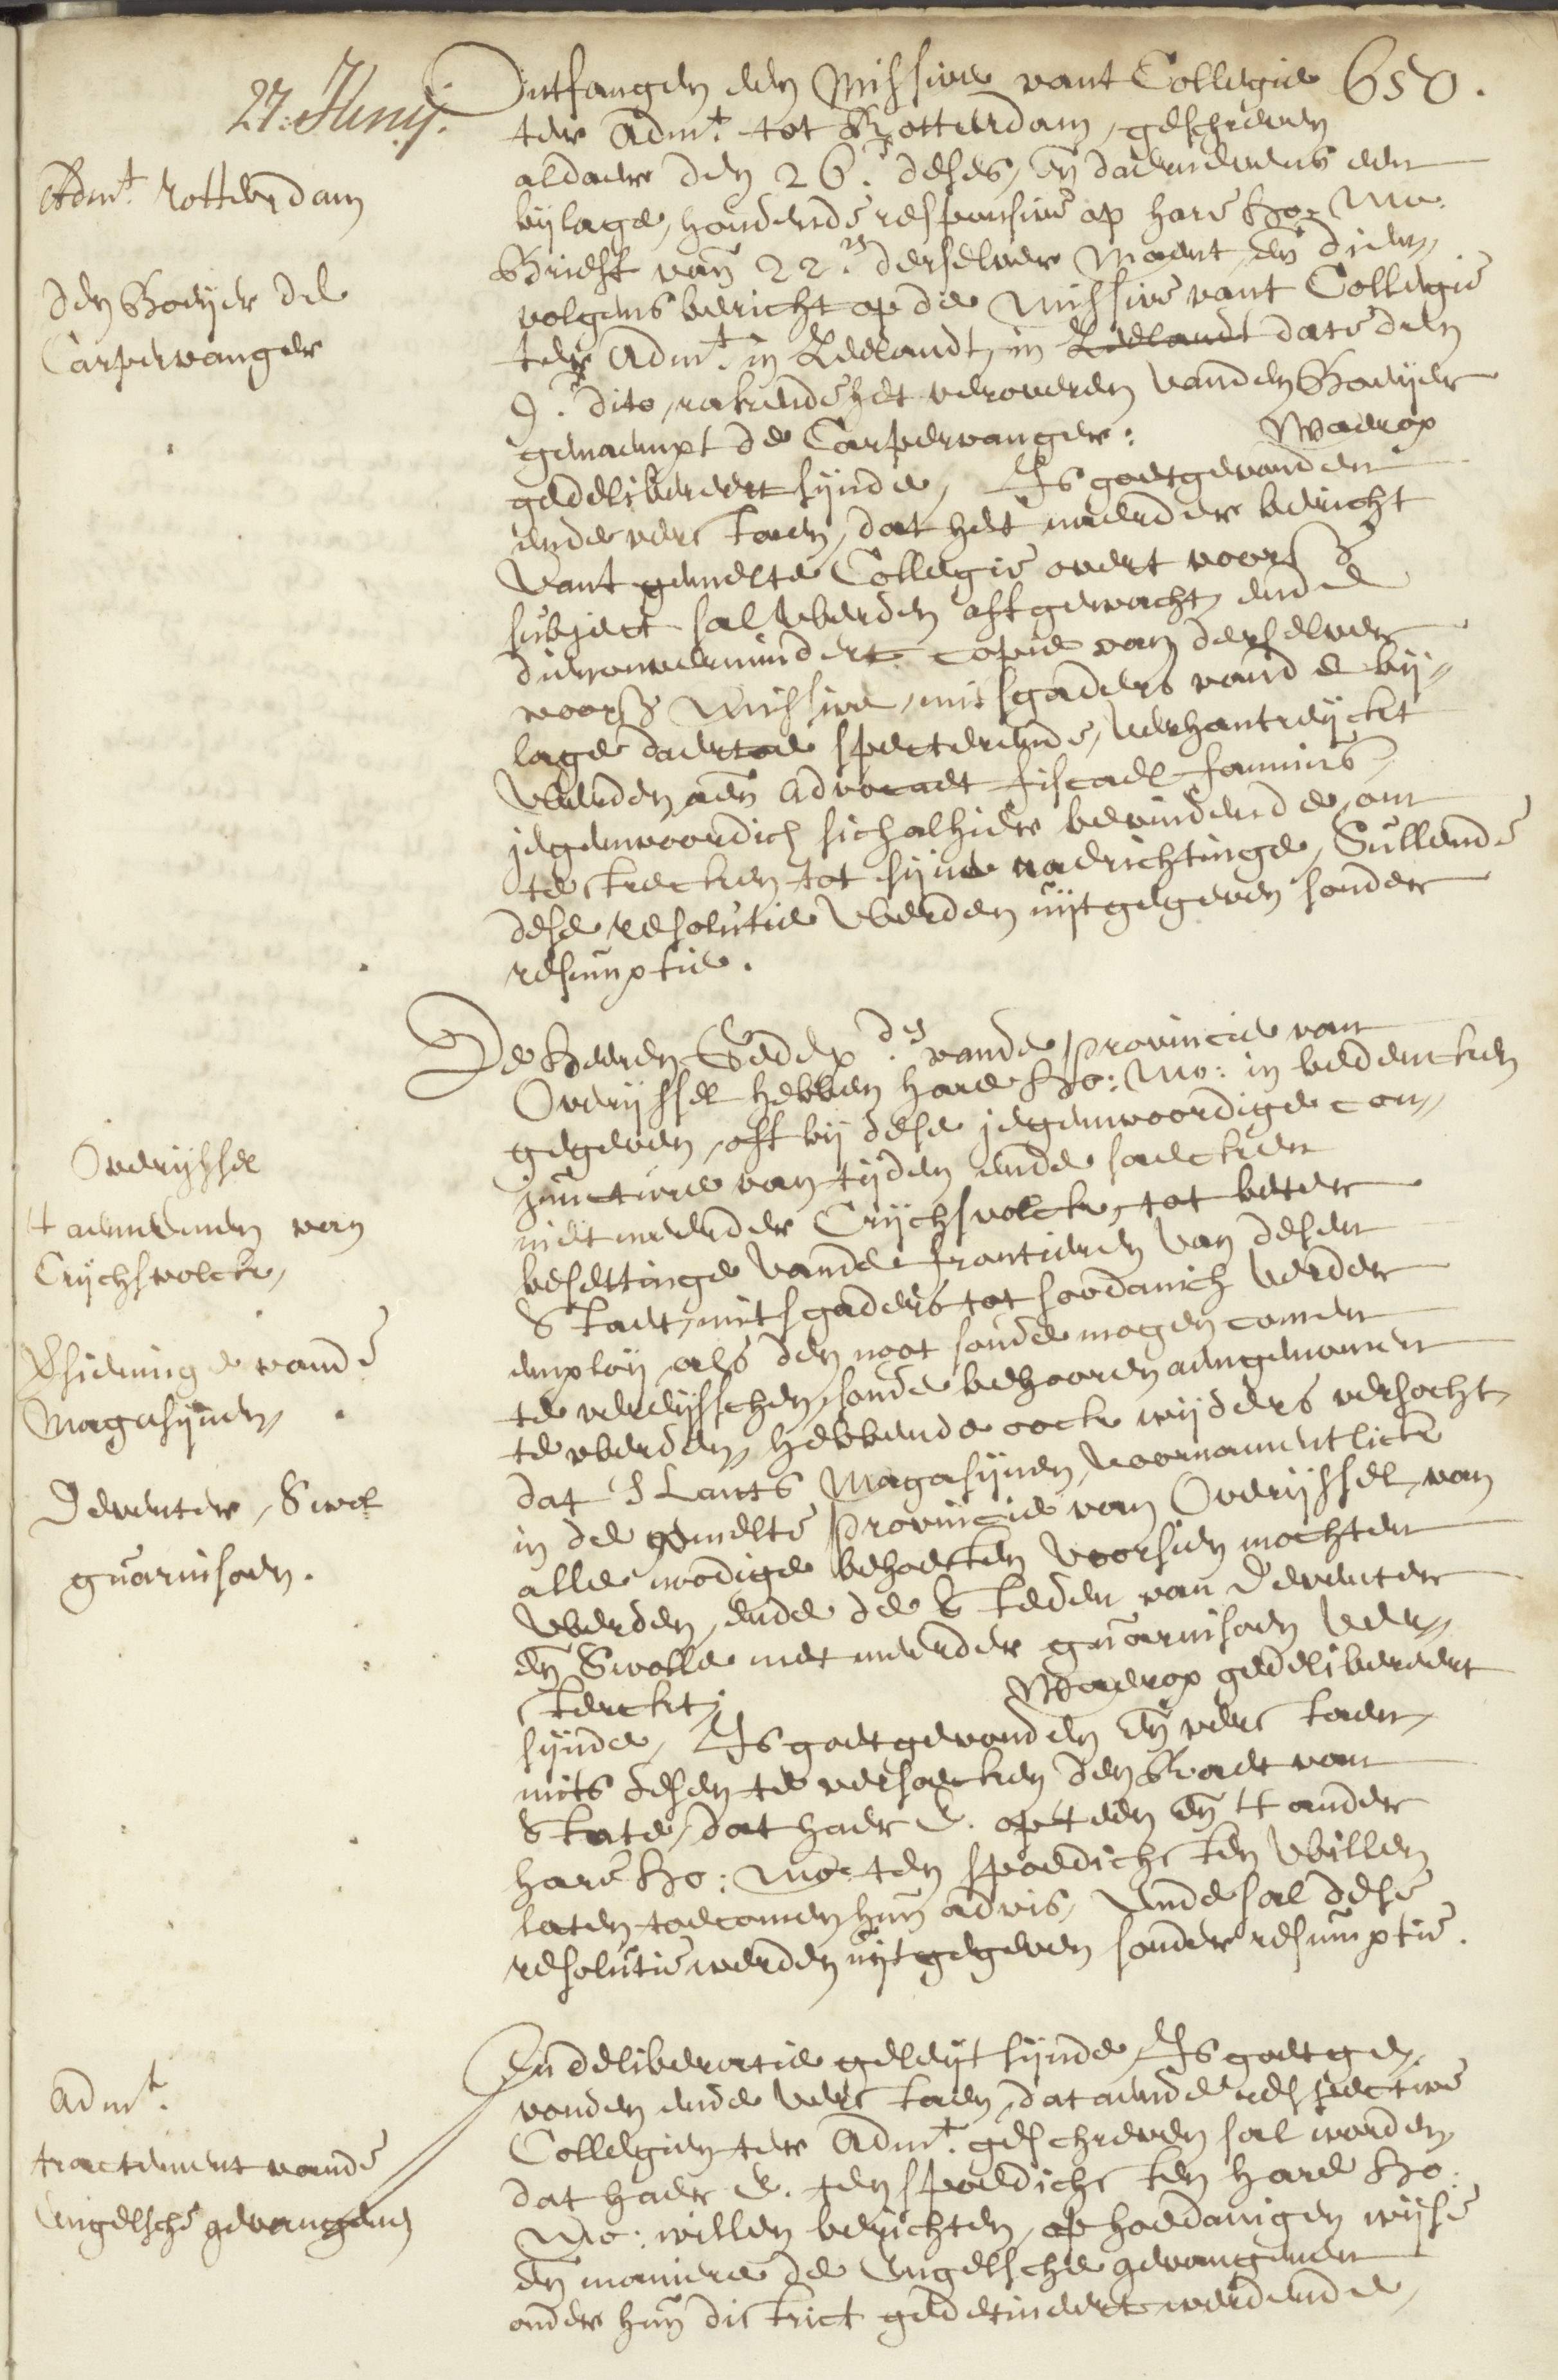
650.
27. Junij.
Admt. Rotterdam
den Boeijer de
Carpervanger
Ontfangen een Missive vant Collegie
ter Admt. tot Rotterdam, geschreven
aldaer den 26en, deses, en daernevens een
bijlage, houdende resumptie op hare Ho:Mo:
Brieff van 22en. derselver Maent en dien„
volgens bericht op de Missive vant Collegie
ter Admt. in Zeelandt, in Zeelandt date den
9e. dito rakende het veroveren vanden Boeijer
genaempt de Capervanger: Waerop
gedelibereert sijnde, Is goetgevonden
ende verstaen, dat het naerder bericht
vant gemelte Collegie overt voorsz
subject sal werden affgewacht, ende
dien onvermindert copie van derselver
voorsz Missive, mitsgaders vande bij„
lage daertoe specterende, verhantreijckt
werden aen Advocaet fiscael fannius,
jegenwoordich sich alhier bevindende, om
te strecken tot sijne naerichtinge, Sullende
dese resolutie werden uijtgegeven sonder
resumptie.
Overijssel
‛t aennemen van
Crijchsvolck.
&sieninge vande
Magasijnen.
Deventer, Swol
guarnisoen.
De Heeren Gedepden vande provincie van
Overijssel hebben hare Ho:Mo: in bedencken
gegeven, off bij dese jegenwoordige con„
juncture van tijden ende saecken
niet meerder Crijchsvolck, tot beter
besettinge vande frontieren van desen
Staet, mitsgaders tot soodanich verder
emploij als den noot soude mogen comen
te vereijsschen, soude behooren aengenomen
te werden, hebbende oock wijders versocht
dat ‛sLants Magasijnen, voornamentlick
in de gemelte provincie van Overijssel, van
alle noodige behoeften voorsien mochten
werden, ende de Steden van Deventer
en Swolle met meerder guarnisoen ver„
sterckt. Waerop gedelibereert
sijnde, Is goetgevonden en verstaen
mits desen te versoecken den Raet van
State, dat haer E. opt een en ‛t ander
hare Ho:Mo: ten spoedichsten willen
laten toecomen hun advis, Ende sal dese
resolutie werden uijtgegeven sonder resumptie.
Admt.
tractement vande
Engelsche gevangenen
In deliberatie geleijt sijnde, Is goetge„
vonden ende verstaen, dat aende respective
Collegien ter Admt. geschreven sal worden,
dat haer E. ten spoedichsten hare Ho:
Mo: willen berichten, op hoedanigen wijse
en maniere de Engelsche gevangenen
onder hun district gedetineert werdende
